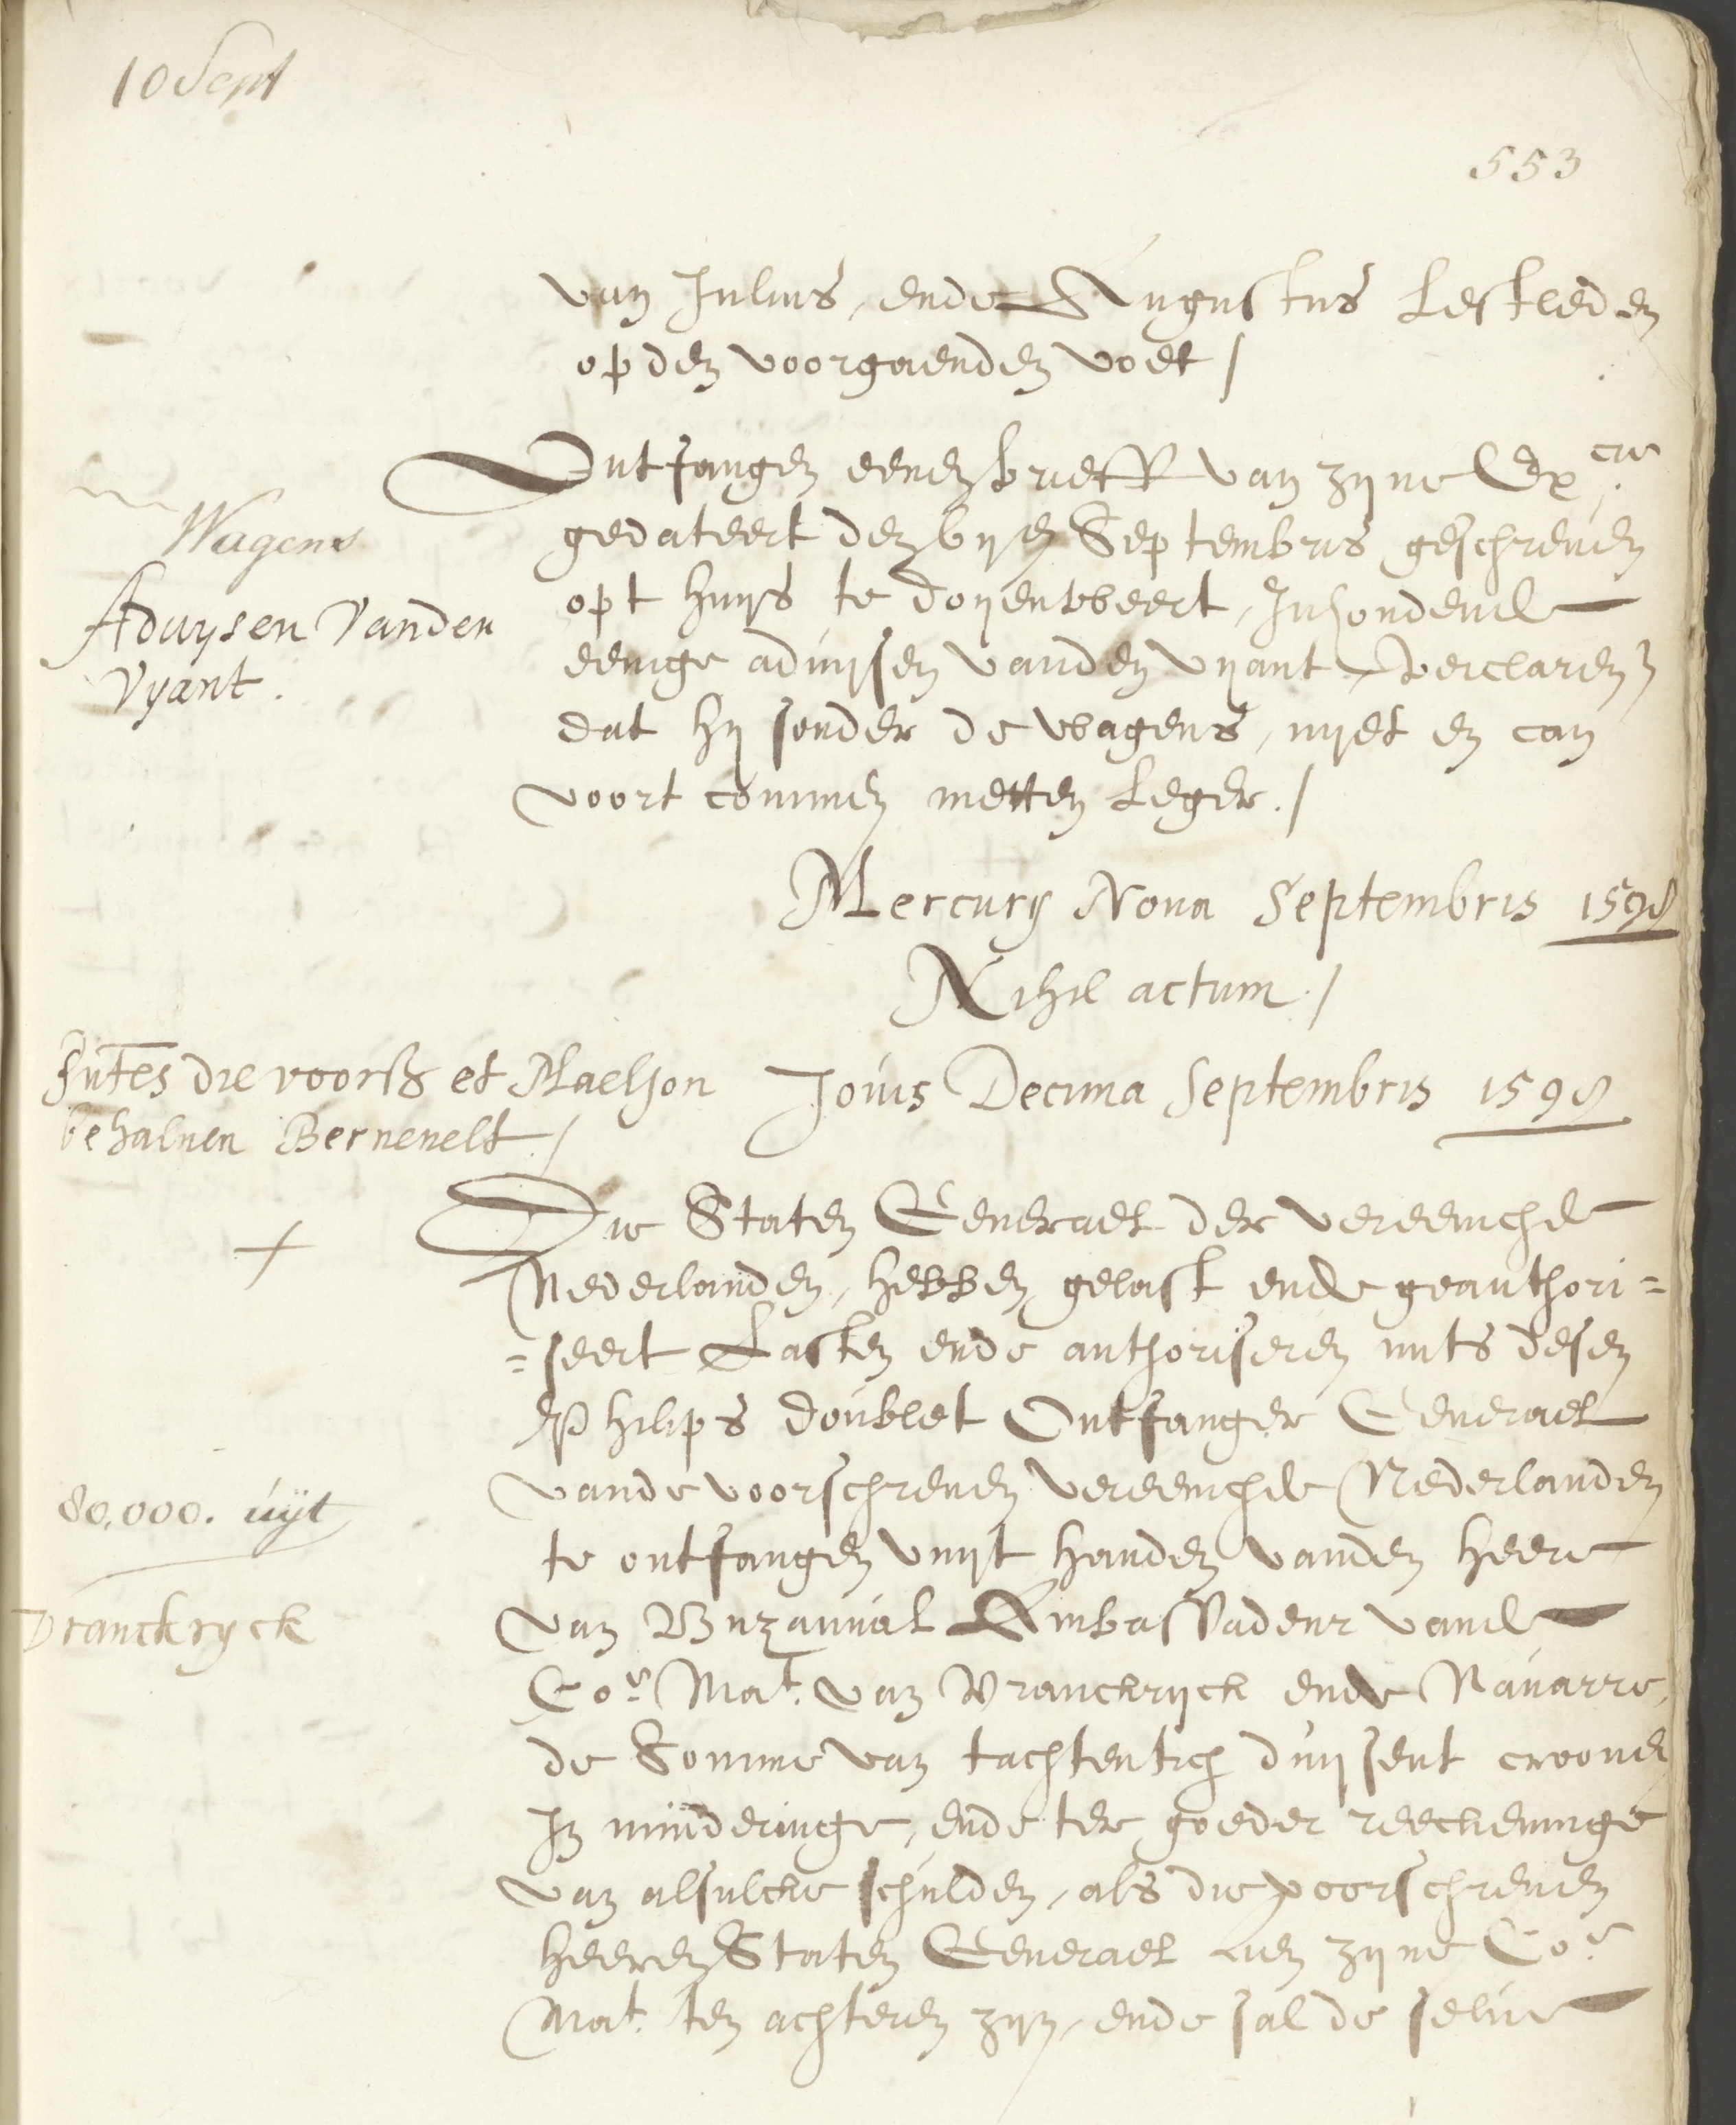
553
10 Sept
van Julius, ende Augustus Lestleden
op den voorgaenden voet.
Wagens
Aduysen Vanden
Vyant.
Ontfangen eenen brieff van zyne Excie.
gedateert den vije Septembris geschreuen
opt huys te Doyenweert, Inhoudende
eenige aduysen vanden vyant verclaren
dat hy sonder de wagens, nyet en can
voort commen metten Leger.
Mercury Nona Septembris 1598
Nihil actum.
Jouis Decima Septembris 1598
pntes die voors et Maelson
behaluen Berneuelt.
80.000. uijt
Vranckrijck
Die Staten Generael der vereenichde
Nederlanden, hebben gelast ende geauthori=
=seert Lasten ende authoriseren mits desen
Philips Doublet Ontfanger Generael
vande voorschreuen vereenichde Nederlanden
te ontfangen vuyt handen vanden heere
van Buzanual Ambassadeur vande
Coe. Mat. van Vranckryck ende Nauarre
de somme van tachtentich duysent croonen
In minderinge, ende ter goeder reeckeninge
van alsulcke schulden, als die voorschreuen
heeren Staten Generael aen zijne Coe
Mat. ten achteren zjn, ende sal de selue
